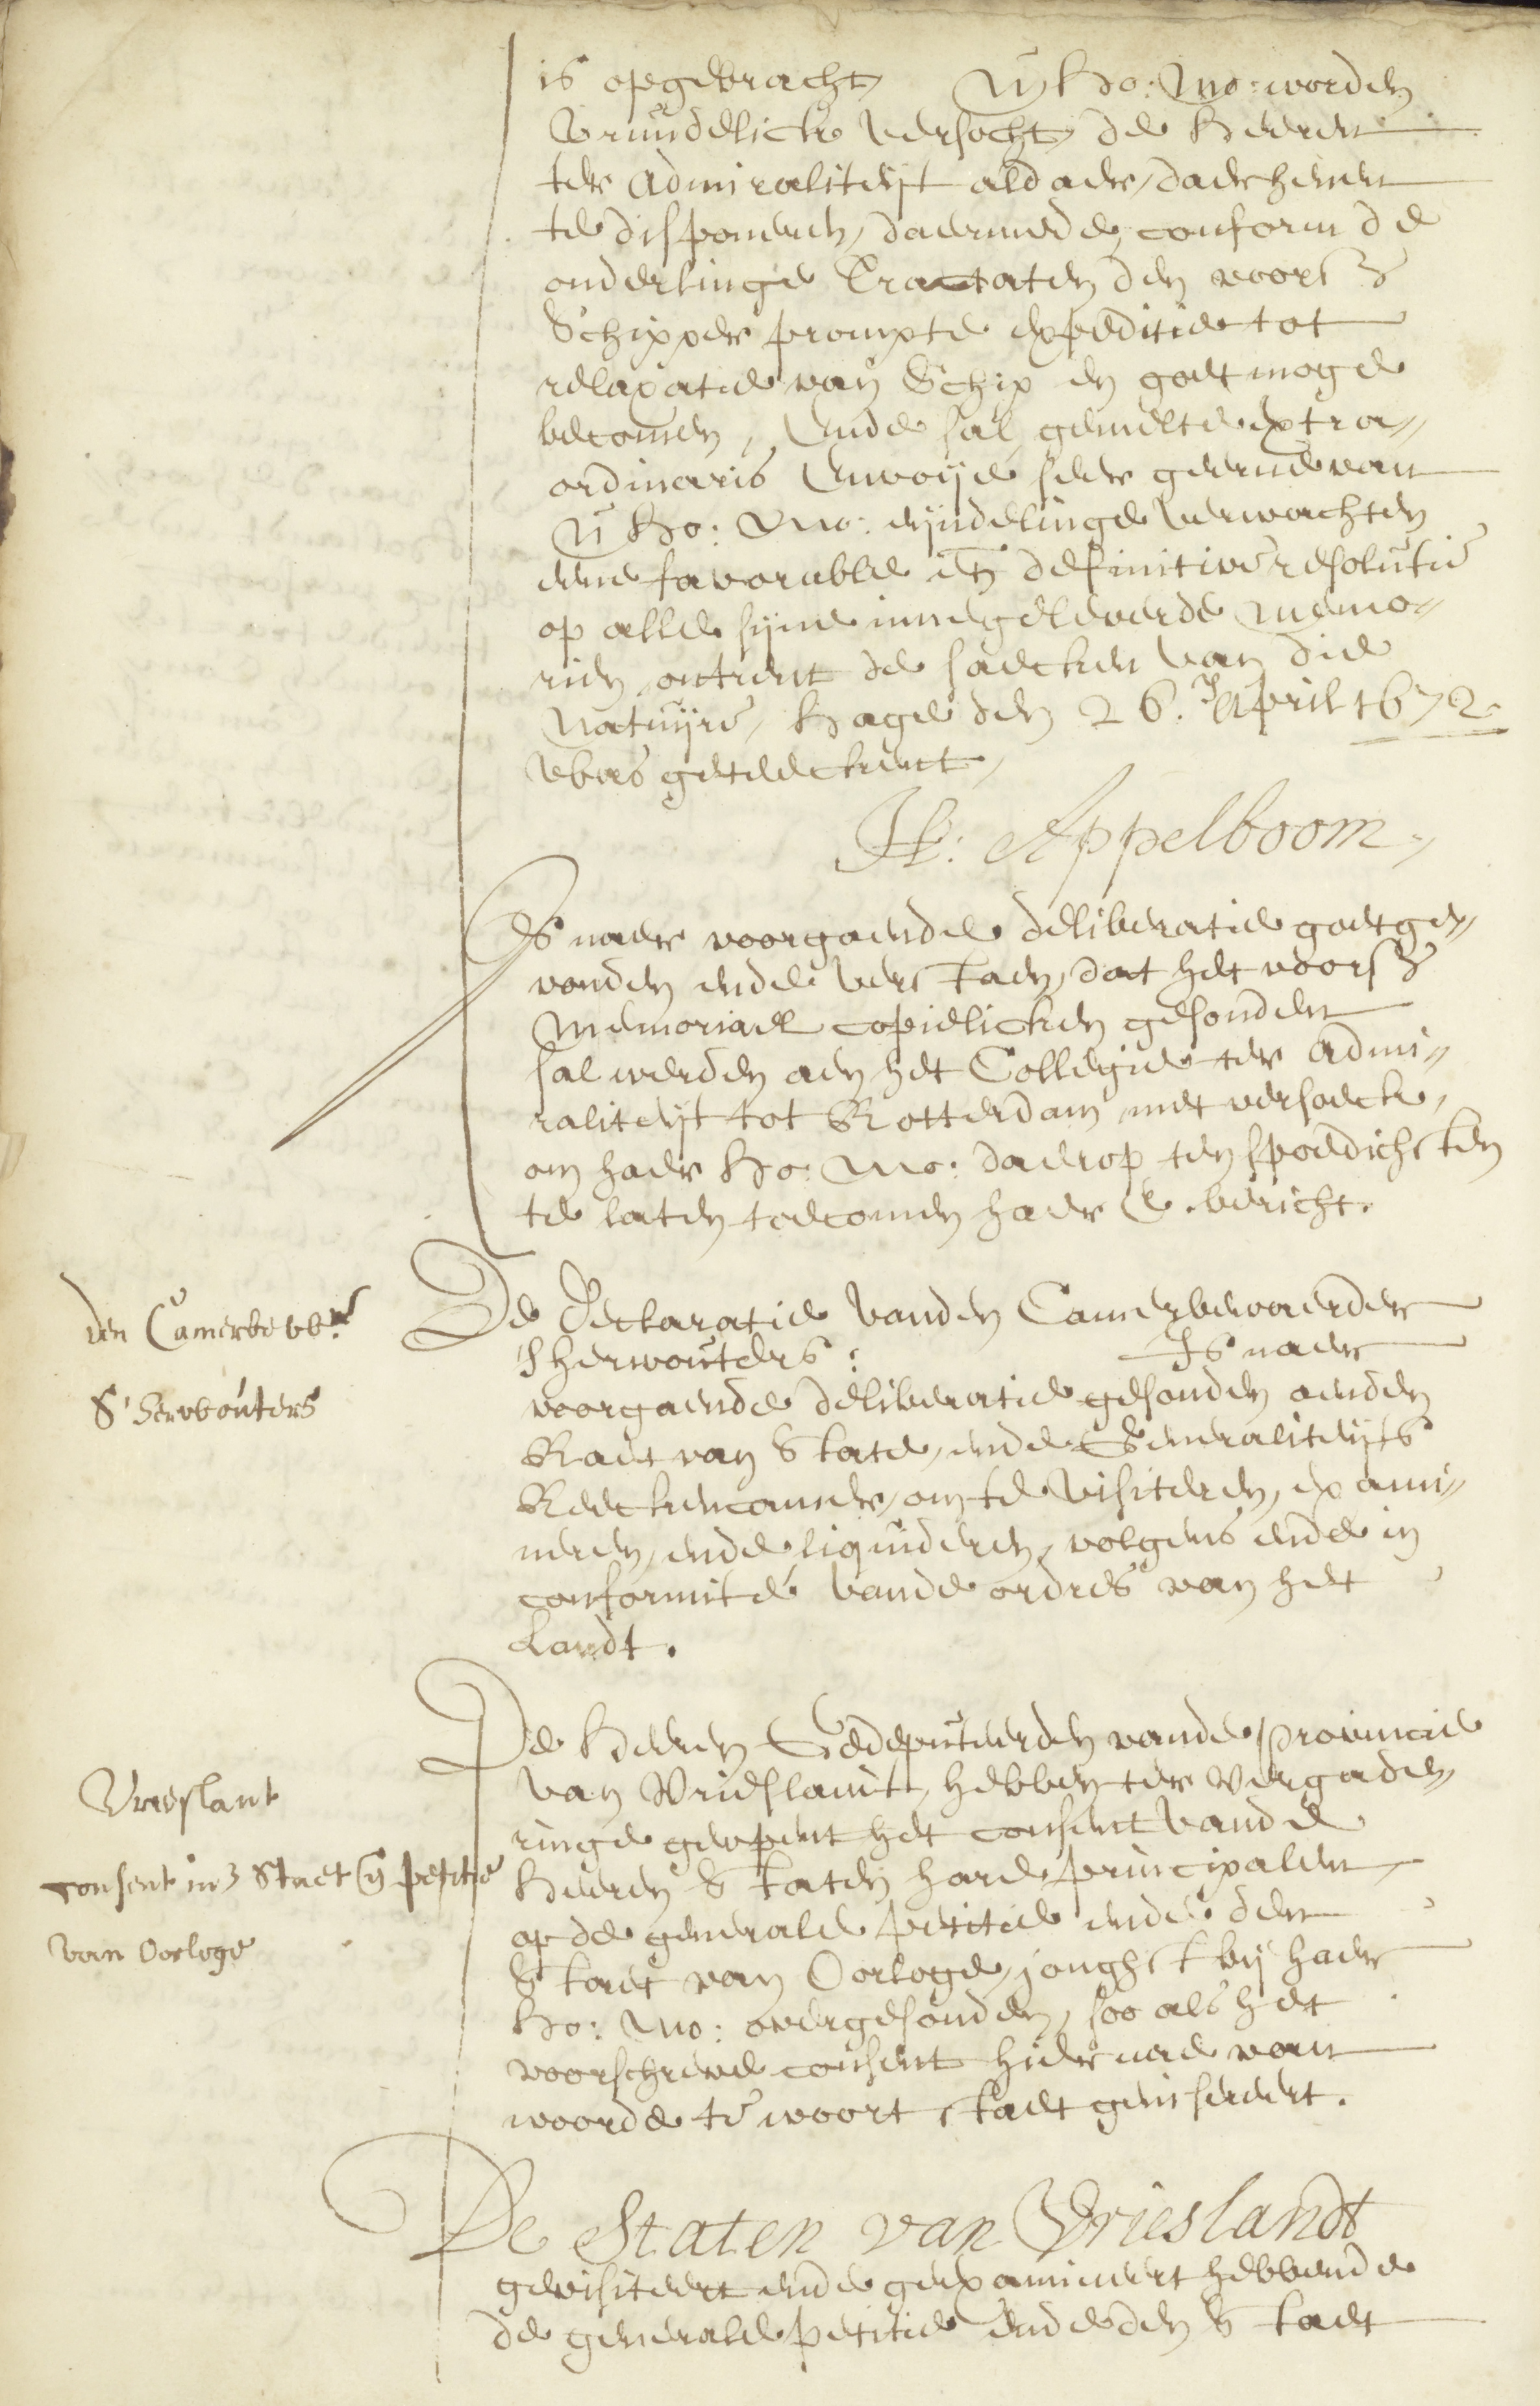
is opgebracht, U Ho:Mo: worden
vrundelick versocht, de Heeren
ter Admiraliteijt aldaer, daerhenen
te disponeren, daermede, conform de
onderlinge Tractaten den voorsz
Schipper prompte expeditie tot
relaxatie van Schip en goet moge
becomen, Ende sal gemelte Extra,,
ordinaris Envoijé seer geerne van
U Ho:Mo: eijndelinge verwachten
eene favorable en definitive resolutie
op alle sijne innegeleverde memo,,
rien ontrent de saecken van die
natuijre, Hage den 26.en April 1672
was geteeckent,
H: Appelboom.
Is naer voorgaende deliberatie goetge,,
vonden ende verstaen, dat het voorsz
memoriael copielicken gesonden
sal werden aen het Collegie ter Admi,,
raliteijt tot Rotterdam met versoeck,
om haer Ho:Mo: daerop ten spoedichsten
te laten toecomen haer E. bericht.
den Camerbewr.
S'herwouters
De declaratie vanden camerbewaerder
'sherwouters: Is naer
voorgaende deliberatie gesonden aenden
Raet van State, ende Generaliteijts
Reeckencamer, om te visiteren, exami„
neren, ende liquideren, volgens ende in
conformité vande ordres van het
Landt.
Vrieslant
consent in Staet en Petitie
van Oorloge
De Heeren Gedeputeerden vande provincie
van Vrieslant, hebben ter Vergade„
ringe geopent het consent vande
Heeren Staten hare principalen
op de generale Petitie ende den
Staet vanOorloge, jonghst bij haer
Ho:Mo: overgesonden, soo als het
voorschreve consent hiernae van
woorde te woort staet geinsereert.
De Staten van Vrieslandt
gevisiteert ende geexamineert hebbende
de generale Petitie ende den Staet
